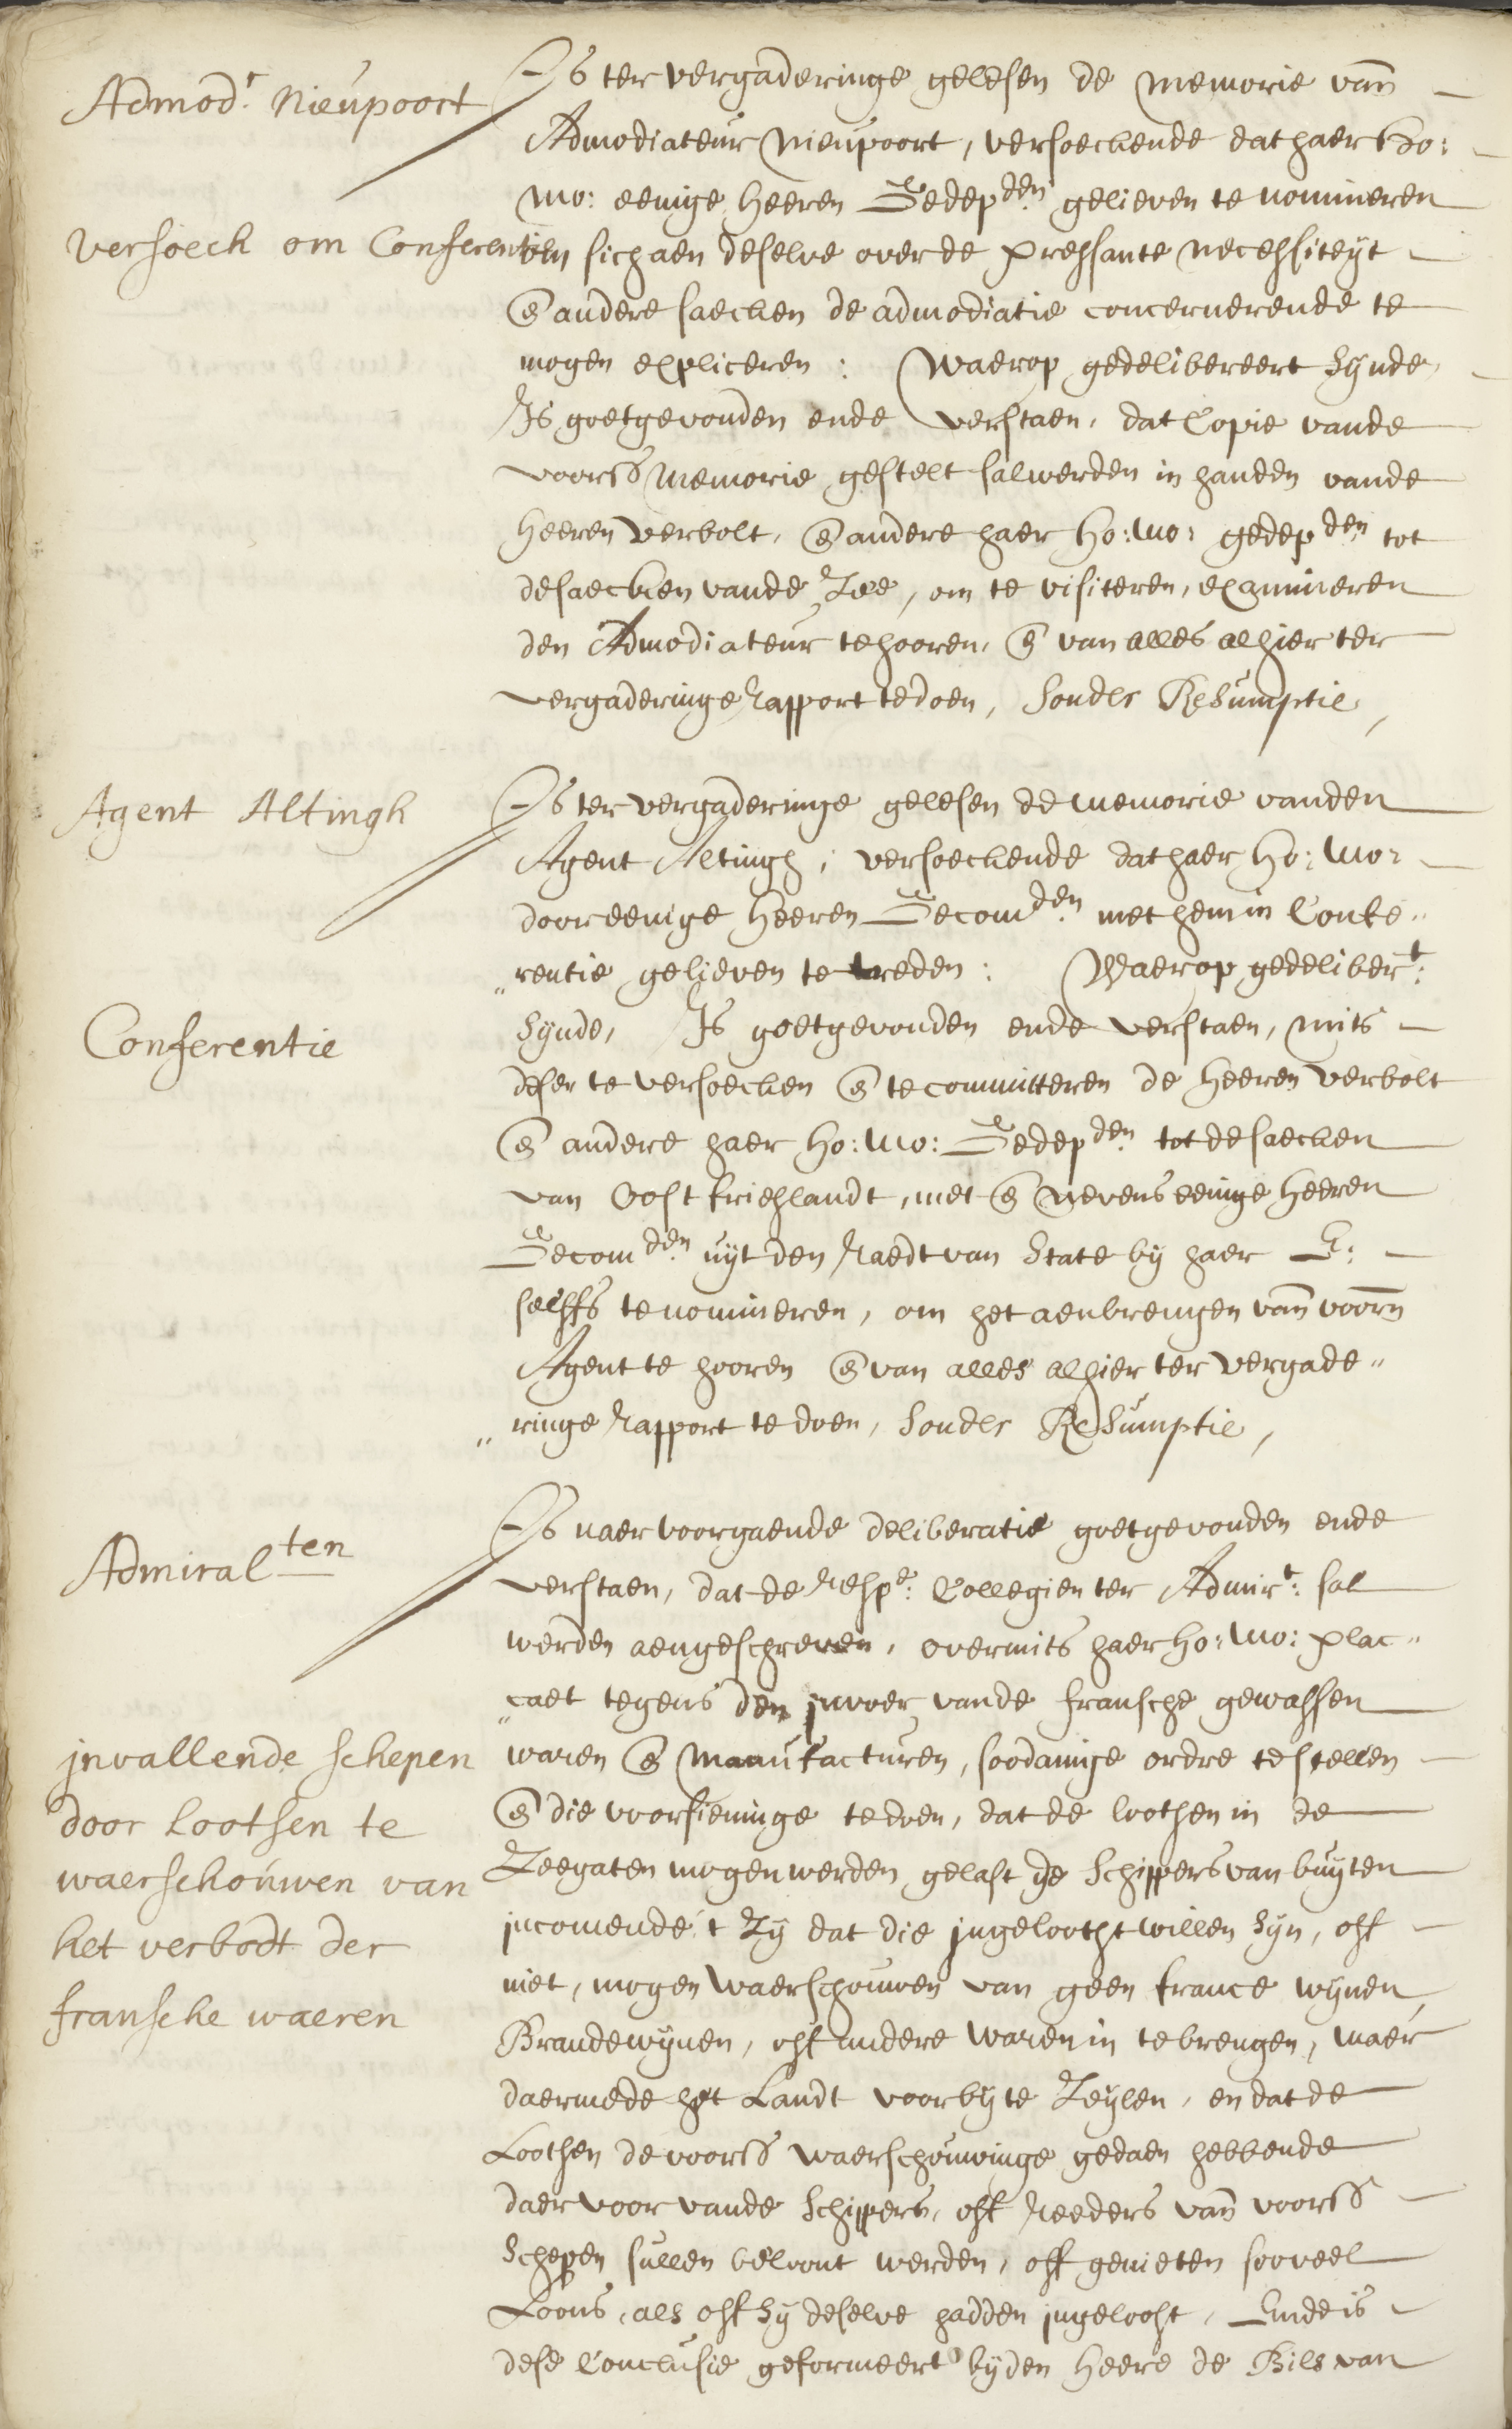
Admodr: Nieupoort
versoeck om conferentie
Is ter vergaderinge gelesen de memorie van
Admodiateur Nieupoort, versoeckende dat haer Ho:
mo: eenige heeren Gedepden gelieven te nomineren
om sich aen deselve over de pressante necessiteijt
& andere saecken de admodiatie concernerende te
mogen expliceren: Waerop gedelibereert sijnde,
Is goetgevonden ende verstaen, dat copie vande
voors memorie gestelt sal werden in handen vande
heeren Verbolt, & andere haer Ho:mo gedepden tot
de saecken vande Zee, om te visiteren, examineren
den Admodiateur te hooren, & van alles alhier ter
vergaderinge rapport te doen, sonder resumptie.
Agent Altingh
Conferentie
Is ter vergaderinge gelesen de memorie vanden
Agent Altingh, versoeckende dat haer Ho:mo:
door eenige heeren Gecomden met hem in confe,,
rentie gelieven te treden: Waerop gedelibert:
sijnde, Is goetgevonden ende verstaen, mits
desen te versoecken & te committeren de heeren Verbolt
& andere haer Ho:mo: Gedepden tot de saecken
van Oostfrieslandt, met & nevens eenige heeren
Gecomden uijt den raedt van State bij haer E:
selffs te nomineren, om het aenbrengen van voorn
Agent te hooren & van alles alhier ter vergade„
ringe rapport te doen, sonder Resumptie.
Admiralten
invallende schepen
door Lootsen te
waerschouwen van
het verbodt der
fransche waeren
Is naer voorgaende deliberatie goetgevonden ende
verstaen, dat de respe. Collegien ter Admirt: sal
werden aengeschreven, overmits haer ho:Mo: Plac,,
caet tegens den invoer van de fransche gewassen
waren & manufacturen, soodanige ordre te stellen
& die voorsieninge te doen, dat de lootsen in de
Zeegaten mogen werden gelast de Schippers van buijten
incomende, t zij dat die ingelootst willen sijn, oft
niet, mogen waerschouwen van geen france wijnen,
Brandewijnen, off andere waren in te brengen, maer
daermede het Landt voorbij te Zeijlen, en dat de
Lootsen de voors waerschouwinge gedaen hebbende
daer voor vande schippers, oft reeders van voors
schepen sullen beloont werden, off genieten sooveel
Loons, als oft sij deselve hadden ingeloost. Ende is
dese conclusie geformeert bij den heere de Bils van
